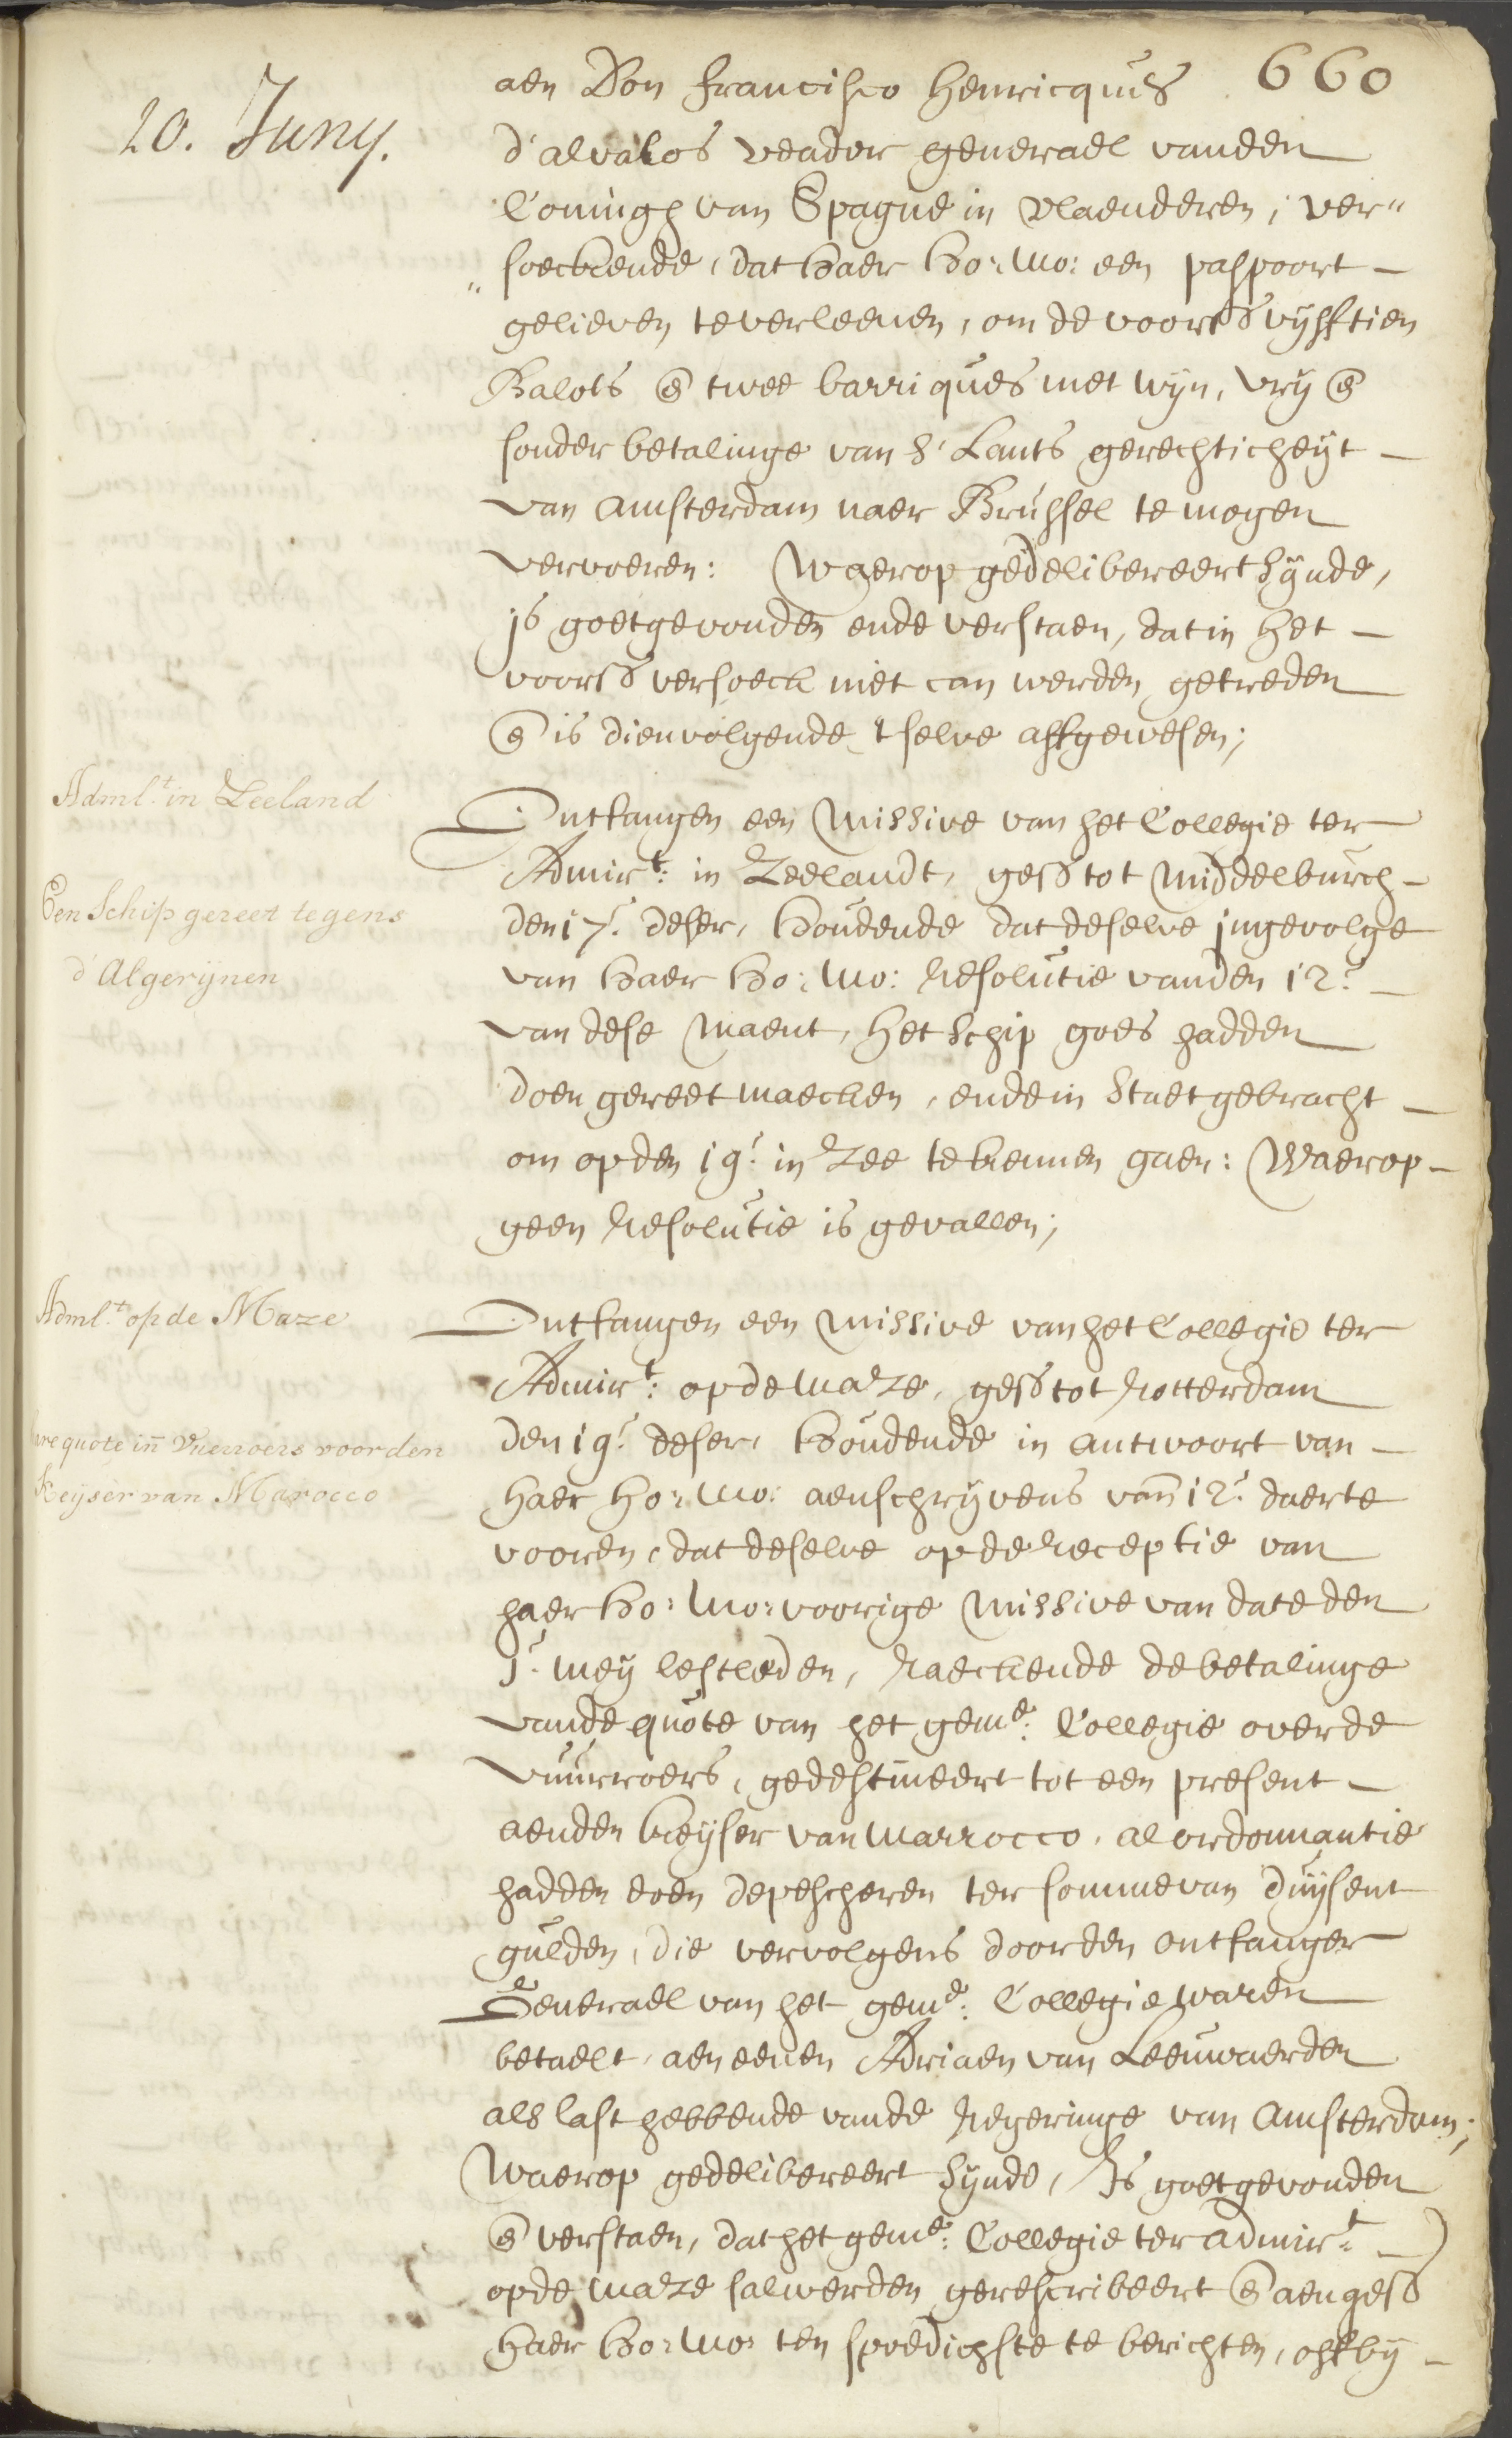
660
20. Juny
aen Don francisco henricques
d'alvalos veador generael vanden
Coningh van Spagne in Vlaenderen; ver,,
soeckende, dat haer ho:mo: een paspoort -
gelieven te verleenen, om de voorss vijfftien
Balots & twee barriques met wijn, vrij &
sonder betalinge van s'Lants gerechticheijt -
van amsterdam naer Brussel te mogen
vervoeren: Waerop gedelibereert sijnde,
Is goetgevonden ende verstaen, dat in het -
voorss versoeck niet can werden getreden
& is dienvolgende 'tselve affgewesen;
Admlt. in Zeeland
Een Schip gereet tegens
d'Algerijnen
Ontfangen een missive van het Collegie ter
Admirt. in Zeelandt, gess tot middelburch -
den 17e. deser, houdende dat deselve ingevolge
van haer ho:mo: resolutie vanden 12e —
van dese maent, het schip goes hadden
doen gereet maecken, ende in staet gebracht —
om opden 19e. in Zee te kennen gaen: Waerop -
geen resolutie is gevallen;
Admlt. op de Maze
hare quote in Vuerroers voor den
keijser van Marocco
Ontfangen een missive van het Collegie ter
Admirt: opde maze, gess tot rotterdam
den 19e. deser, houdende in antwoort van —
haer ho:mo: aenschrijvens van 12e. daerte
vooren, dat deselve opde receptie van
haer ho:mo: voorige missive van date den
1e. meij lestleden, raeckende de betalinge
vande quote van het geme. Collegie over de
vuurroers, gedestineert tot een present —
aenden Keijser van marrocco, al ordonnantie
hadden doen depescheren ter somme van duijsent
gulden, die vervolgens door den ontfanger
Generael van het geme. Collegie waren
betaelt, aen eenen Adriaen van Leeuwaerden
als last hebbende vande regeringe van amsterdam;
Waerop gedelibereert sijnde, Is goetgevonden
& verstaen, dat het geme: Collegie ter admirt. —
opde maze sal werden gerescribeert & aengess.
haer ho:mo: ten spoedichste te berichten, off bij —
